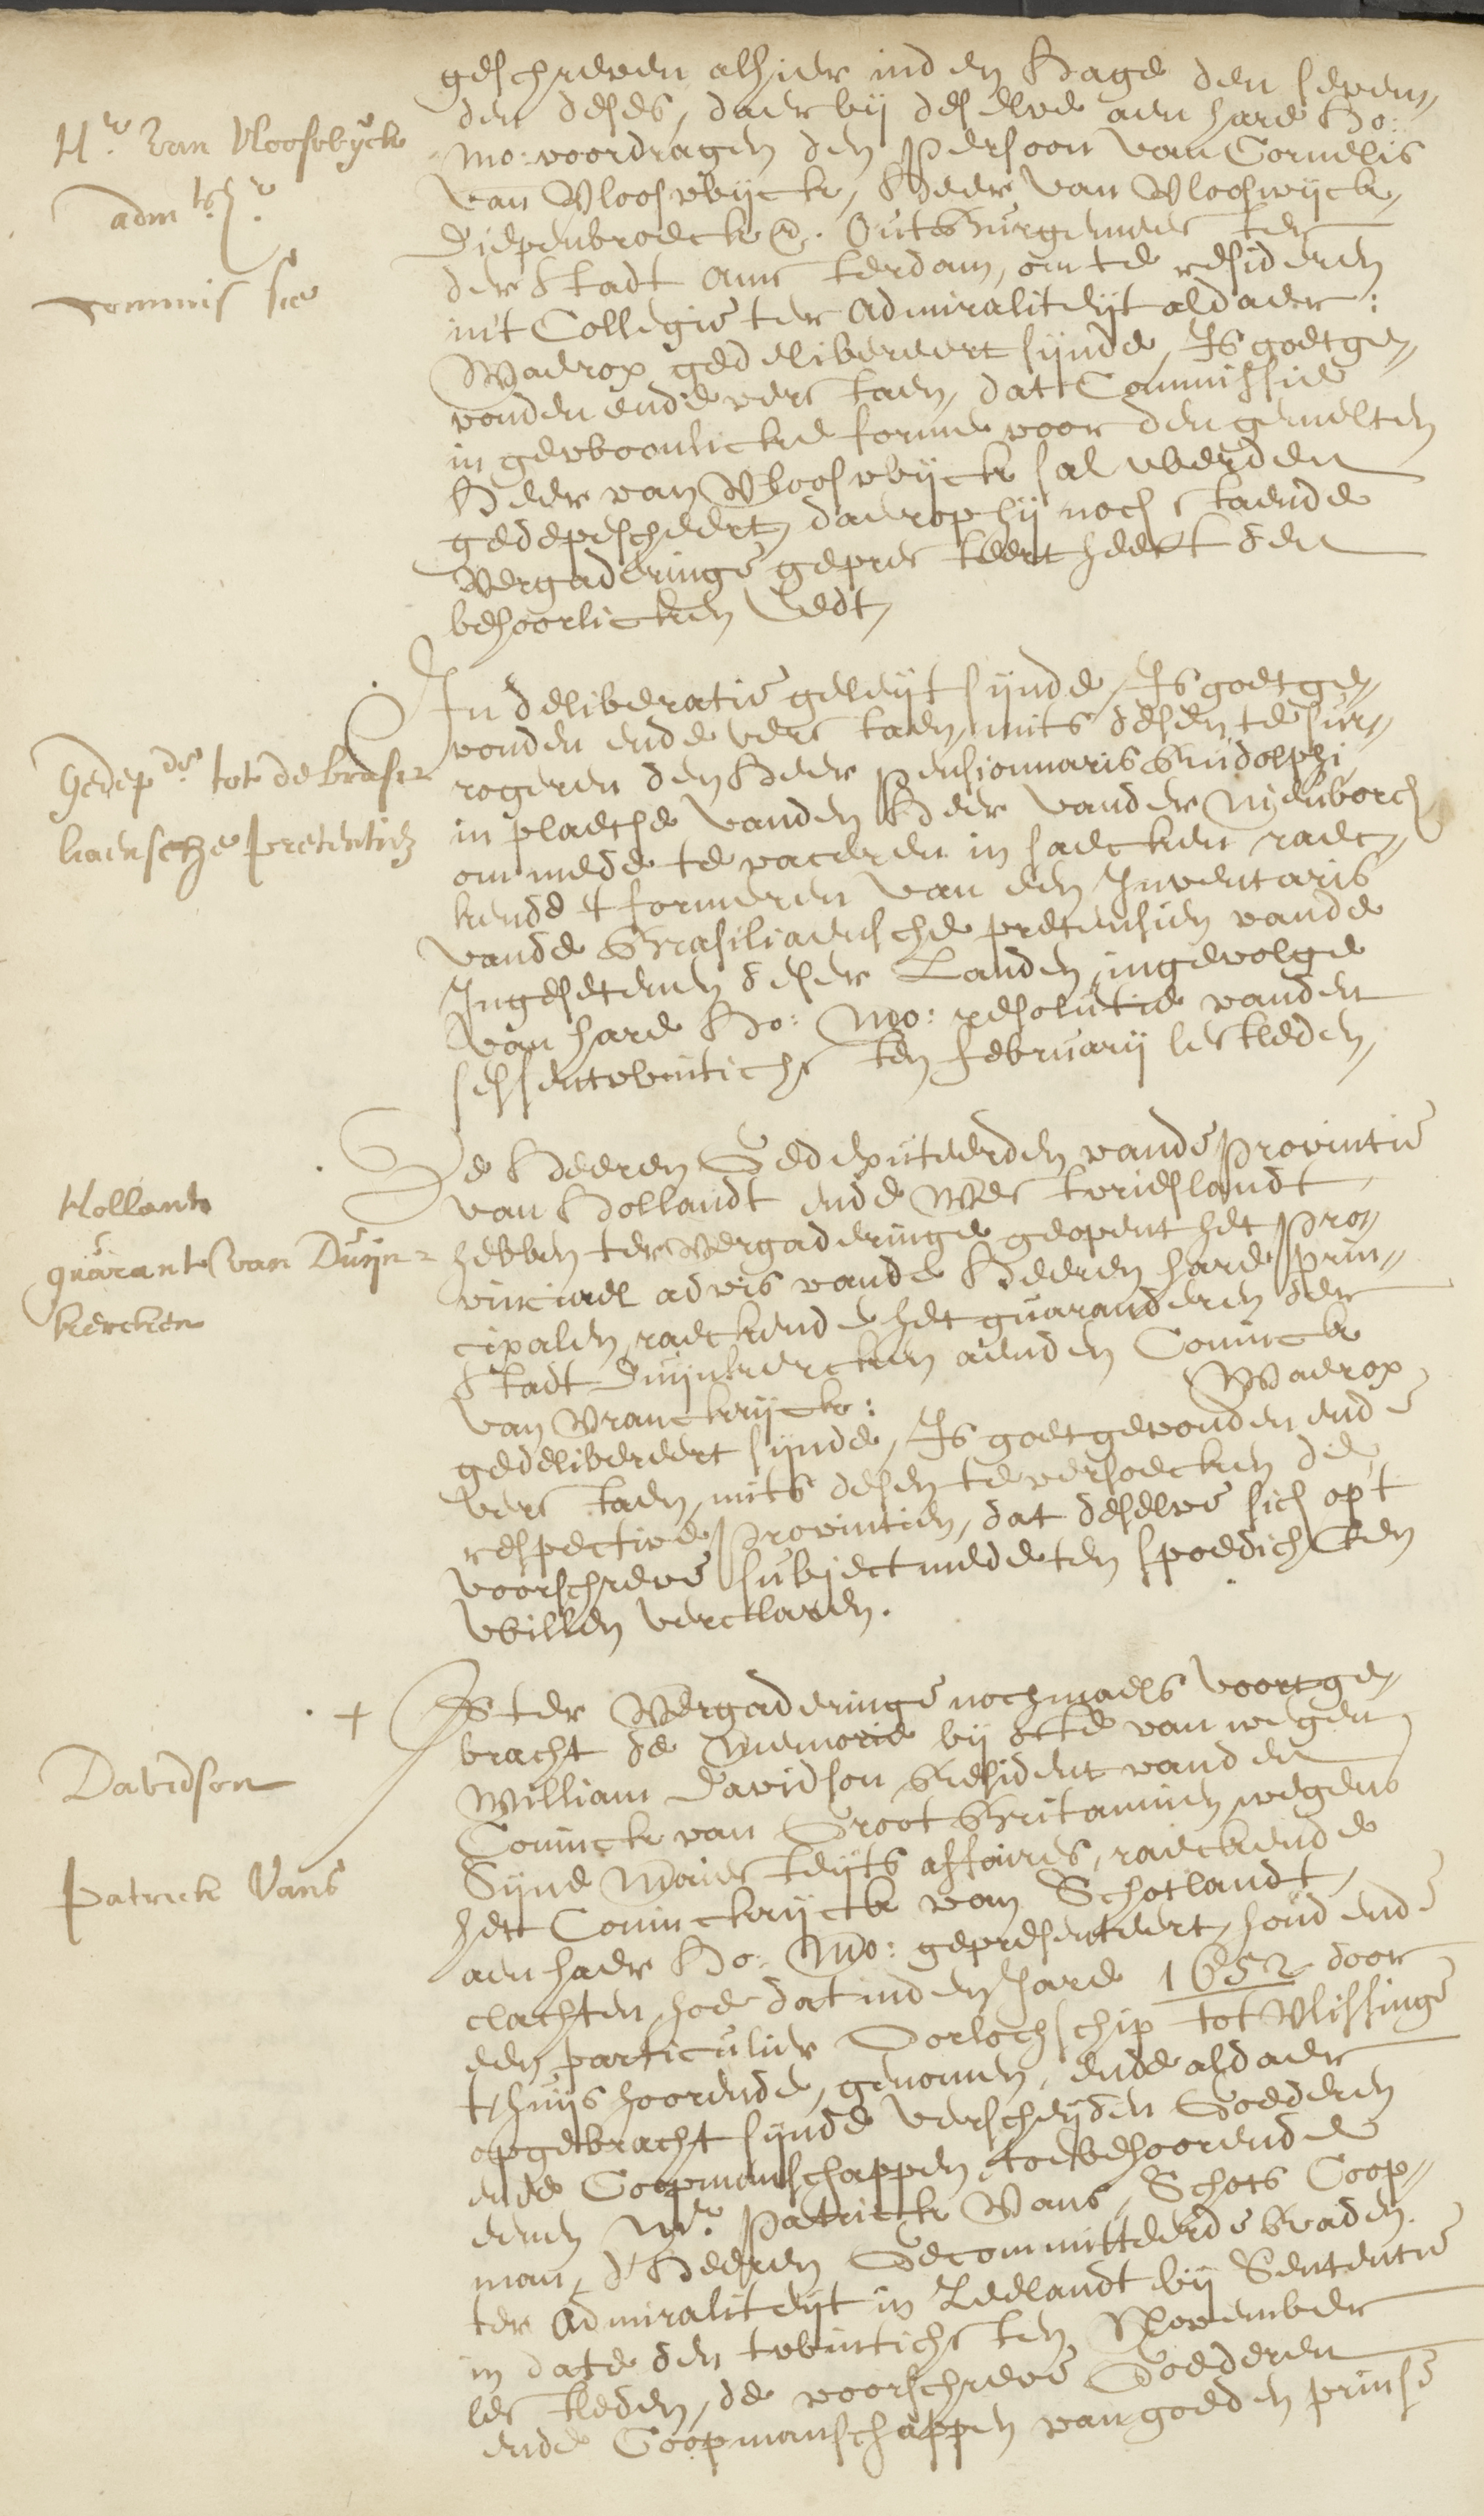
Hr. van Vlooswijck
admts.hr.
commissie
geschreven alhier inden Hage den seven„
den deses, daer bij deselve aen hare Ho:
Mo: voordragen den persoon van Cornelis
van Vlooswijck, heer van Vlooswijck,
Diepenbroeck & OutBurgemeester
der Stadt Amsterdam, om te resideren
in't Collegie ter Admiraliteijt aldaer:
Waerop gedelibereert sijnde, Is goetge„
vonden ende verstaen, dat Commissie
in gewoonlicke forme voor den gemelten
Heer van Vlooswijck sal werden
gedepescheert, daerop hij noch staende
Vergaderinge gepresteert heeft den
behoorlicken Eedt.
Gedepden tot de brasi„„
liaensche pretentien
In deliberatie geleijt sijnde, Is goetge„
vonden ende verstaen mits desen te sur„
rogeren den Heer pensionnaris Rudolphi
in plaetse vanden Heer vander Nieuborch
om mede te vaceren in saecken raec„
kende t formeren van den Inventaris
vande Brasiliaensche pretensien vande
Ingesetenen deser Landen, ingevolge
van hare Ho:Mo: resolutie vanden
sessentwintichsten februarij lesteleden.
Hollant
guarants van Duijn„
kercken
De Heeren Gedeputeerden vande provintie
van Hollandt ende Westvrieslandt
hebben ter vergaderinge geopent het pro„
vincael advis vande Heeren hare prin„
cipalen raeckende het guaranderen der
Stadt Duijnkercken aenden Coninck
van Vranckrijck: Waerop
gedelibereert sijnde, Is goetgevonden ende
verstaen, mits desen te versoecken de
respective Provintien, dat deselve sich op 't
voorschreve subject mede ten spoedichsten
willen verclaren.
Davidson
Patrick Vans
Is ter vergaderinge nochmaels voortge„
bracht de memorie bij ofte van wegen
William Davidson Resident vanden
Coninck van Groot Britannien wegens
Sijne Maiesteijts affaires, raeckende
het Coninckrijck van Schotlandt,
aen haer Ho:Mo: gepresenteert, houdende
clachten hoe dat inden jare 1652 door
een particulier Oorlochschip tot Vlissinge
thuijs hoorende, genomen, ende aldaer
opgebracht sijnde verscheijden Goederen
ende Coopmanschappen toebehoorende
eenen mr. Patrick Vans, Schots Coop„
man, d'Heeren Gecommiteerde Raden
ter Admiraliteijt in Zeelandt bij Sententie
in date den twintichsten november
lestleden, de voorschreve Goederen
ende Coopmanschappen van goeden prinse
